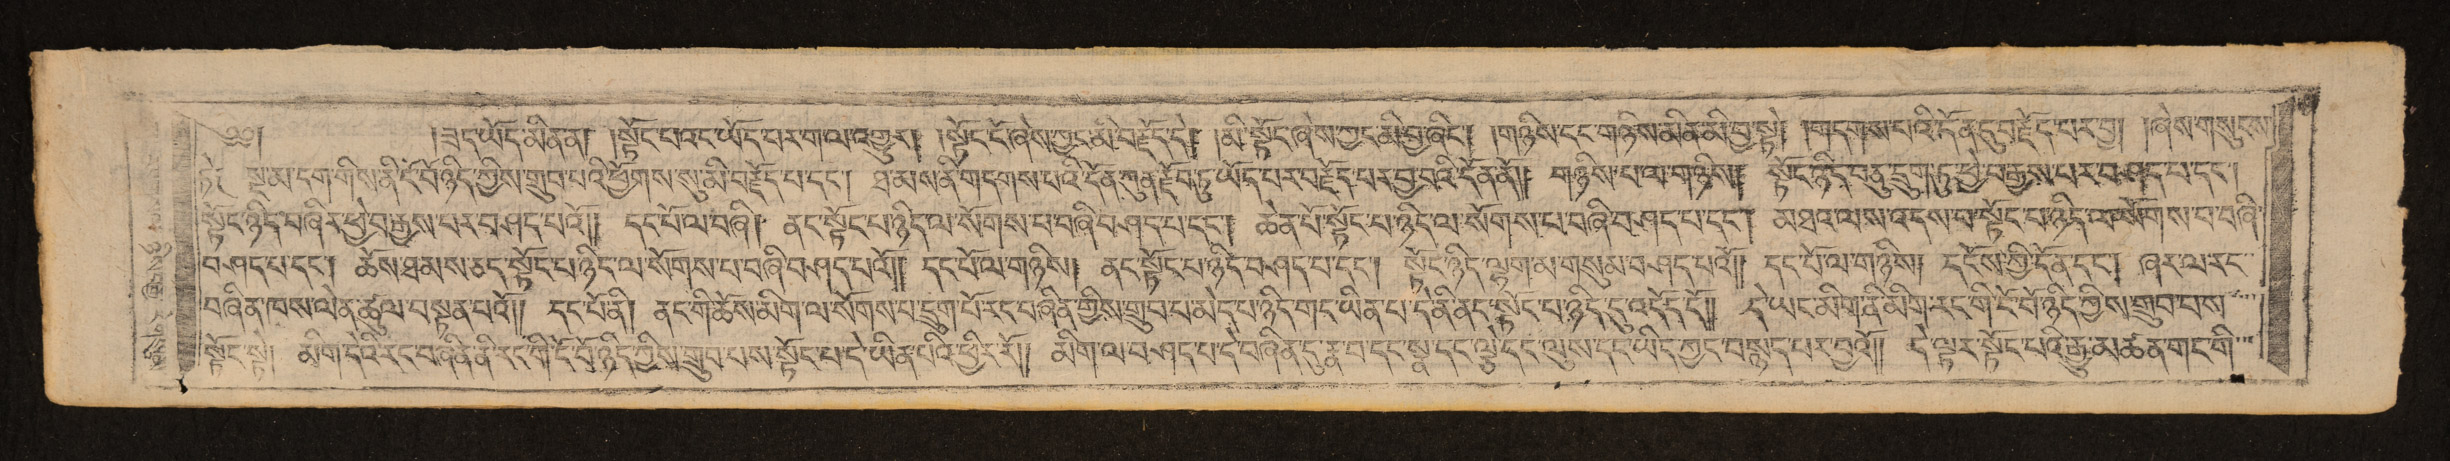ཟད་ཡོད་མིན་ན། །སྟོང་པའང་ཡོད་པར་ག་ལ་འགྱུར། །སྟོང་ངོ་ཞེས་ཀྱང་མི་བརྗོད་དེ། །མི་སྟོང་ཞེས་ཀྱང་མི་བྱ་ཞིང་། །གཉིས་དང་གཉིས་མིན་མི་བྱ་སྟེ། །གདགས་པའི་དོན་དུ་བརྗོད་པར་བྱ། །ཞེས་གསུངས་
ཏེ། སྔ་མ་དག་གིས་ནི་ངོ་བོ་ཉིད་ཀྱིས་གྲུབ་པའི་ཕྱོགས་སུ་མི་བརྗོད་པ་དང་། ཐ་མས་ནི་གདགས་པའི་དོན་ཀུན་རྫོབ་ཏུ་ཡོད་པར་བརྗོད་པར་བྱ་བའི་དོན་ནོ།། གཉིས་པ་ལ་གཉིས། སྟོང་ཉིད་བཅུ་དྲུག་ཏུ་ཕྱེ་བ་རྒྱས་པར་བཤད་པ་དང་།
སྟོང་ཉིད་བཞིར་ཕྱེ་བ་རྒྱས་པར་བཤད་པའོ།། དང་པོ་ལ་བཞི། ནང་སྟོང་པ་ཉིད་ལ་སོགས་པ་བཞི་བཤད་པ་དང་། ཆེན་པོ་སྟོང་པ་ཉིད་ལ་སོགས་པ་བཞི་བཤད་པ་དང་། མཐའ་ལས་འདས་པ་སྟོང་པ་ཉིད་ལ་སོགས་པ་བཞི་
བཤད་པ་དང་། ཆོས་ཐམས་ཅད་སྟོང་པ་ཉིད་ལ་སོགས་པ་བཞི་བཤད་པའོ།། དང་པོ་ལ་གཉིས། ནང་སྟོང་པ་ཉིད་བཤད་པ་དང་། སྟོང་ཉིད་ལྷག་མ་གསུམ་བཤད་པའོ།། དང་པོ་ལ་གཉིས། དངོས་ཀྱི་དོན་དང་། ཞར་ལ་རང་
བཞིན་ཁས་ལེན་ཚུལ་བསྟན་པའོ།། དང་པོ་ནི། ནང་གི་ཆོས་མིག་ལ་སོགས་པ་དྲུག་པོ་རང་བཞིན་གྱིས་གྲུབ་པ་མེད་པ་ཉིད་གང་ཡིན་པ་དེ་ནི་ནང་སྟོང་པ་ཉིད་དུ་འདོད་དོ།། དེ་ཡང་མིག་ནི་མིག་རང་གི་ངོ་བོ་ཉིད་ཀྱིས་གྲུབ་པས་
སྟོང་སྟེ། མིག་དེའི་རང་བཞིན་ནི་རང་གི་ངོ་བོ་ཉིད་ཀྱིས་གྲུབ་པས་སྟོང་པ་དེ་ཡིན་པའི་ཕྱིར་རོ།། མིག་ལ་བཤད་པ་དེ་བཞིན་དུ་རྣ་བ་དང་སྣ་དང་ལྕེ་དང་ལུས་དང་ཡིད་ཀྱང་བསྙད་པར་བྱའོ།། དེ་ལྟར་སྟོང་པའི་རྒྱུ་མཚན་གང་གི་